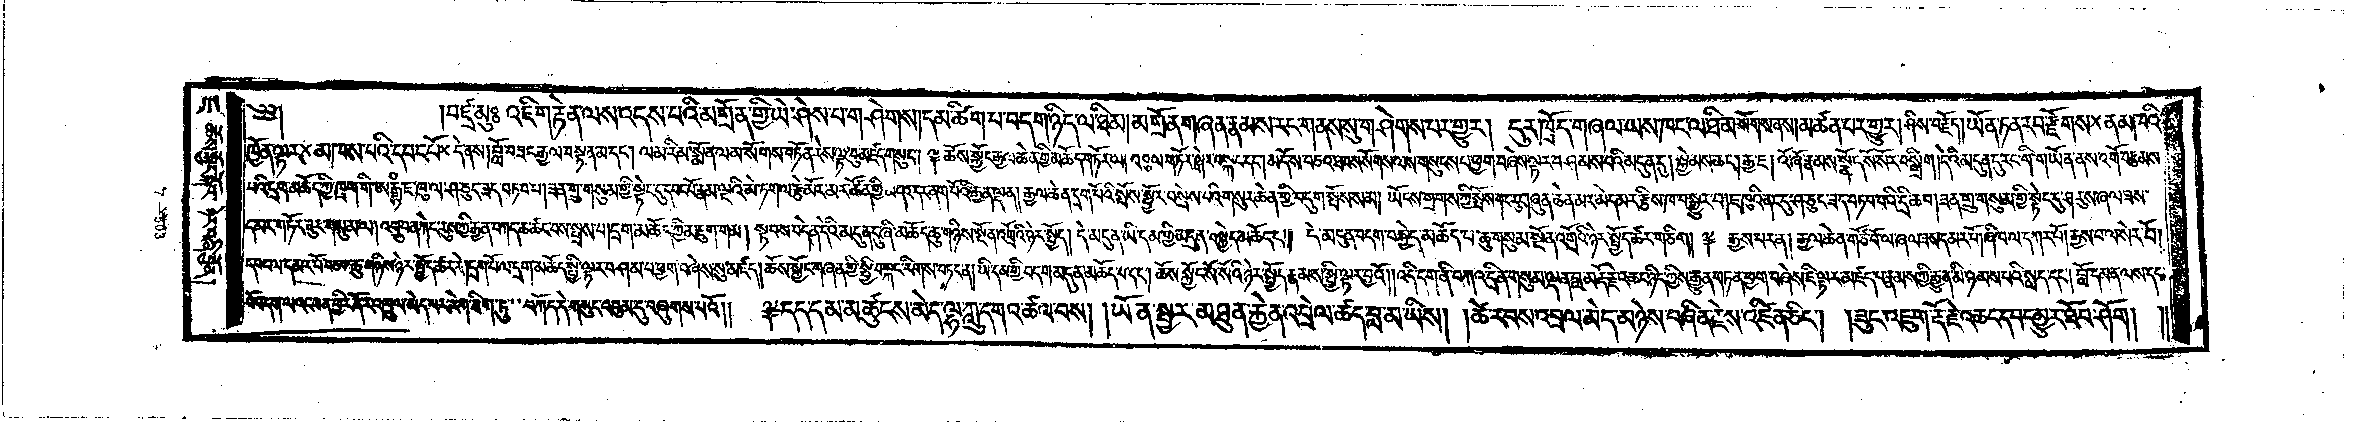༄༅། །བཛྲ་མུཿའཇིག་རྟེན་ལས་འདས་པའི་མགྲོན་གྱི་ཡེ་ཤེས་པ་གཤེགས། དམ་ཚིག་པ་བདག་ཉིད་ལ་ཐིམ། མགྲོན་གཞན་རྣམས་རང་གནས་སུ་གཤེགས་པར་གྱུར། དུར་ཁྲོད་གཞལ་ཡས་ཁང་ལ་ཐིམ་སོགས་ནས། མཚན་བར་གྱུར། ཤིས་བརྗོད། ཡོན་ཏན་རབ་རྫོགས་྾་ནམཁའི་
ཁྱོན་ལྟར་྾་མཁས་པའི་དབང་པོ་྾་དེ་ནས། བློ་བཟང་རྒྱལ་བསྟན་མ་དང་། ལམ་རིམ་སྨོན་ལམ་སོགས་བཏོན་རེས་ལྟ་བུ་མཛད་གསུང་། ༈ ཆོས་སྐྱོང་རྒྱལ་ཆེན་གྱི་མཆོད་གཏོར་ལ། འབུལ་གཏོར་སྒེར་བསྐང་དང་། མདོས་བཅའ་ཐབས་སོགས་ལས་གསུངས་པ་ཕྱག་བཞེས་ལྟར་བཤམས་པའི་མདུན་དུ། སྐྱེམས་ཆང་། རྒྱ་ཇ། འོ་ཞོ་རྣམས་སྣོད་སོ་སོར་བསྒྲིག །དེའི་མདུན་དུ་རང་གི་གཡོན་ནས་འགོ་བརྩམས་
བའི་དྲག་མཆོད་ཀྱི་ཁྲག་གི་ཨརྒྷ་ཇ་ཁུ་ལ་ཤ་ཅུང་ཟད་བཏབ་གཟན་གྲུ་གསུམ་གྱི་སྟེང་དུ་དབང་པོ་རྣམ་ལྔའི་མེ་ཏོག་ལ་རྩེ་མོར་མར་ཚོན་གྱི་མདའ་དར་ནག་པོའི་རྒྱན་ལྡན། རྒྱལ་ཆེན་དྲག་པོའི་སྤོས་སྦྱོར་བསྲེས་པའི་གསུང་ཆེན་གྱི་བདུག་སྤོས་སམ། ཡོངས་གྲགས་ཀྱི་སྤོས་གང་རུང་། ཞུན་ཆེན་མར་མེ་དམར་རྩིས་ཁན་བསྒྱུར་བ། ཇ་ཁུའི་ནང་དུ་ཤ་ཅུང་ཟད་བཏབ་པའི་དྲི་ཆབ། ཟན་གྲུ་གསུམ་གྱི་སྟེང་དུ་ཤ་རུས་ཞལ་ཟས་
དམར་གཏོར་ཟུར་གསུམ་ལ། འགྲུབ་ན་ཀེང་རུས་ཀྱི་རྒྱན་བཀོད་ཆ་ཚང་བས་སྤྲས་པ། དྲག་མཆོད་ཀྱི་མཇུག་གམ། སྟབས་བདེན་དེའི་མདུན་དུ་ཞི་མཆོད་ཆུ་གཉིས་སྔོན་འགྲོའི་ཉེར་སྤྱོད། དེ་མདུན་ཡི་དམ་གྱི་མདུན་བསྐྱེད་མཆོད་པ། དེ་མདུན་བདག་བསྐྱེད་མཆོད་པ་ཆུ་གསུམ་སྔོན་འགྲོའི་ཉེར་སྤྱོད་ཚང་གཅིག ། ༈ རྒྱས་པར་ན། རྒྱལ་ཆེན་གཙོ་བོ་ལ་ཞལ་ཟས་དམར་གོ་ཞིབ་ལ་དཀར་པོ། རྒྱས་པ་ཕ་སེར་བོ།
དབང་ལ་དམར་པོ་བཅས་ཆུ་གཉིས་ཉེར་སྤྱོད་ཚང་རེ། དྲག་པོ་ལ་དྲག་མཆོད་སྤྱི་ལྟར་བཤམ་པ་ཕྱག་བཞེས་སུ་མཛད། ཆོས་སྐྱོང་གཞན་གྱི་སྤྱི་བསྐང་རིགས་བཏང་ན། ཡི་དམ་གྱི་བདབ་མདུན་མཆོད་པ་དང་། ཆོས་སྐྱོང་སོ་སོའི་ཉེར་སྤྱོད་རྣམས་སྤྱི་ལྟར་བྱའོ། །འདི་དག་ནི་བཀའ་དྲིན་གསུམ་ལྡན་བླ་མ་རྡོ་རྗེ་འཆང་ཉིད་ཀྱིས་རྒྱུན་གཏན་ཕྱག་བཞེས་ཇི་ལྟར་མཛད་པ་རྣམས་ཀྱི་རྒྱུན་མི་ཉམས་པའི་སླད་དང་། བློ་དམན་ལས་དང་
པོ་བདག་ལའང་ཕན་ཕྱིར་ནོར་འཁྲུལ་མེད་པར་རེག་ཟིག་ཏུ་བཀོད་དེ་གསུང་འབུམ་དུ་བཞུགས་པའོ།། ༈ དད་དམ་མཚུངས་མེད་ལྷ་ཀླུ་དགའ་ཚལ་བས། །ཡོན་སྦྱར་མཐུན་རྐྱེན་འབྲེལ་ཚད་བླ་མ་ཡིས། །ཚེ་རབས་འབྲལ་མེད་མཉེས་བཞིན་རྗེས་འཛིན་ཅིང་། །ཟུང་འཇུག་རྡོ་རྗེ་འཆང་དབང་མྱུར་ཐོབ་ཤོག ། །།